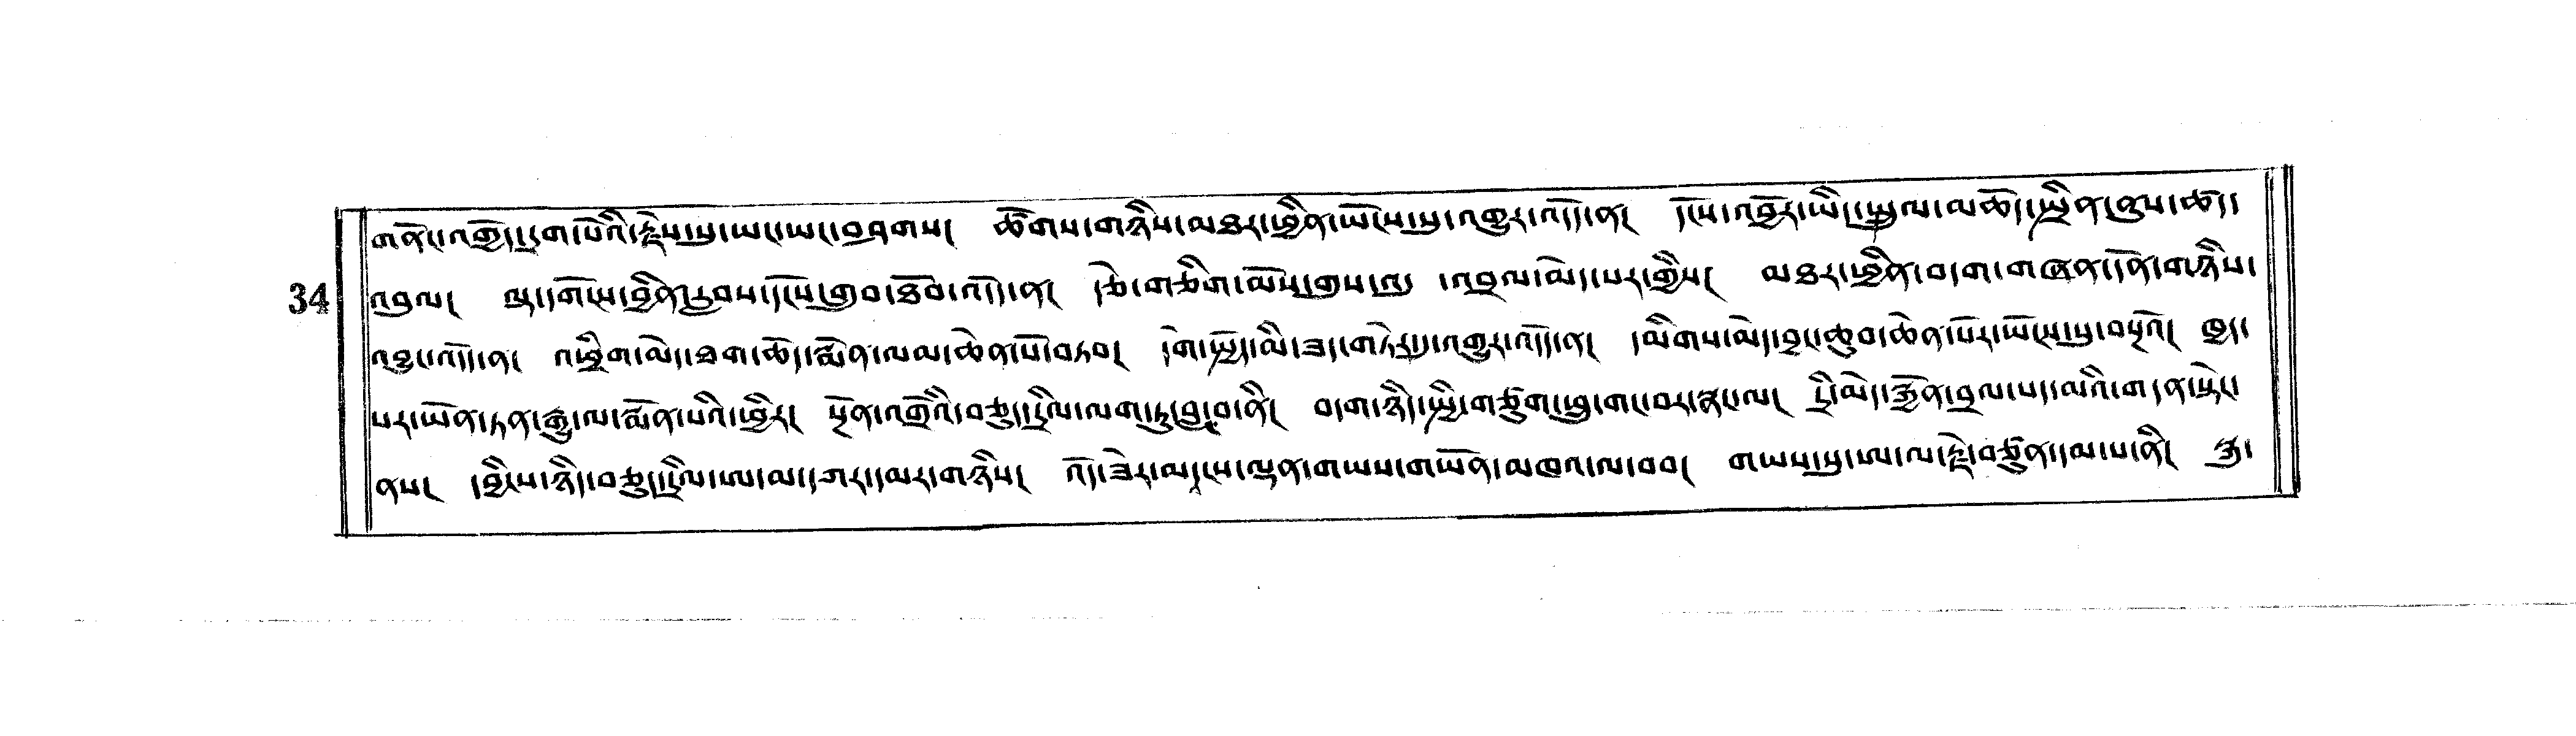གནོང་འགྱོད་དྲག་པོའི་རྗེས་སུ་ཡང་ཡང་བཤགས། ཚོགས་གཉིས་མཐར་ཕྱིན་ཡོངས་སུ་འགྱུར་འདོད་ན། དངོས་འབྱོར་ཡིད་སྤྲུལ་མཆོད་སྤྲིན་ནུས་ཚད་
འབུལ། ལྟ་དགོངས་བྱིན་རླབས་དངོས་གྲུབ་ཐོབ་འདོད་ན། རྩེ་གཅིག་མོས་གུས་འདུ་འབྲལ་མེད་པར་གྱིས། མཐར་ཕྱིན་བདག་གཞན་དོན་གཉིས་
འབྱུང་འདོད་ན། འཕྲིག་མེད་བདག་གཞན་སྨོན་ལམ་ཆེན་པོ་བཏབ། དགེ་སྤྱོད་མི་བཟད་གཏེར་དུ་འགྱུར་འདོད་ན། དམིགས་མེད་བྱང་ཆུབ་ཆེན་པོར་ཡོངས་སུ་བསྔོ། ཁྱད་
པར་ཡོན་ཏན་རྒྱུ་ལ་སྨོན་པའི་ཕྱིར། སྔོན་འགྲོའི་བཅུད་དྲིལ་ལག་ཏུ་བླང་བ་ནི། བདག་ཉིད་སྤྱི་གཙུག་ཁྲུ་གང་བར་སྣང་ལ། དྲི་མེད་སྐྱོན་བྲལ་པད་མའི་གདན་སྟེང་
ནས། དབྱིངས་ཉིད་བཅུད་དྲིལ་ཨ་མ་དཀར་དམར་གཉིས། འོད་ཟེར་མདངས་ལྡན་གཡས་གཡོན་མཁའ་ལ་བབས། གཡས་སུ་ཨ་ལ་རྗེ་བཙུན་དམ་པ་ནི། སྐུ་